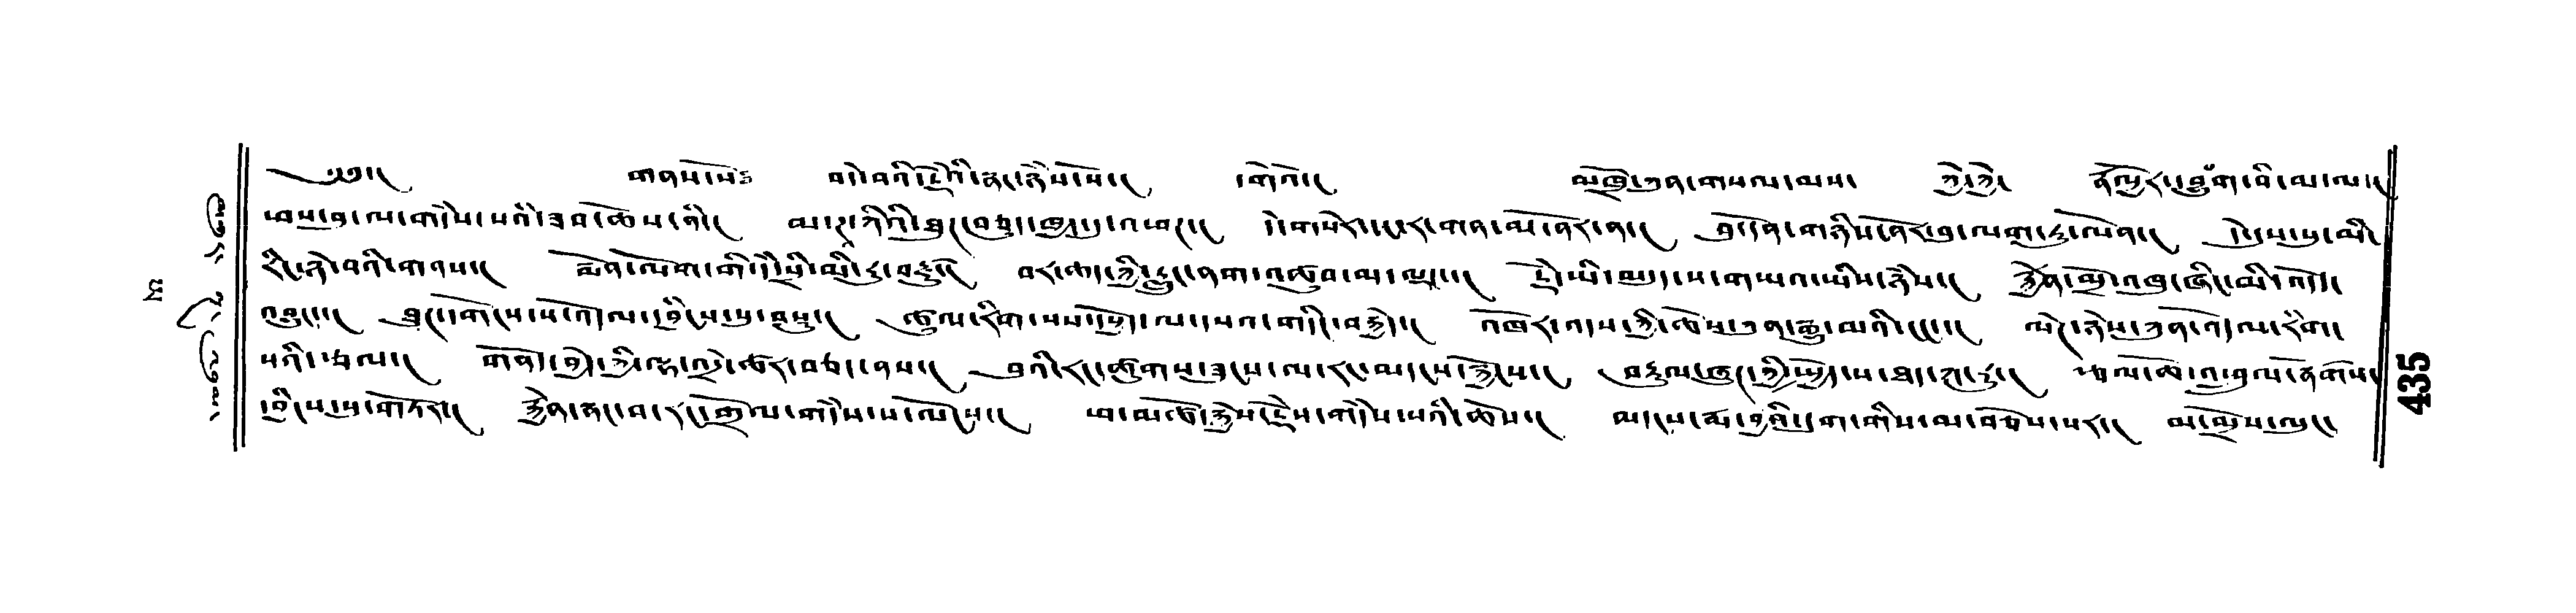གནས་སོ༔ བདེ་བའི་རྡོ་རྗེའི་སྣང་ཉམས་སོ༔ དགེའོ།། མཁའ་འགྲོ་ཀུན་གསལ་མས། ཀྱཻ་ཀྱཻ། རྣལ་འབྱོར་དབང་ཕྱུག་བི་མ་ལ། །
ཕས་བུ་ལ་གདམས་པའི་ཟབ་ཆོས་ནི། །མ་ཌཱ་ཀིའི་ཐུགས་བཅུད་ཁྱད་དུ་འཕགས། །དེ་གསེར་དང་རང་གན་མ་ནོར་ན། །བུ་དོན་གཉིས་ནོར་བུ་ལག་ཏུ་ལོན། དེ་དུས་སུ་མི་
རིང་ཉེ་བའི་གནས། །སྨོན་ལོག་གི་དམ་སྲི་མི་རུ་བརྫུ། །བར་ཆད་ཀྱི་རླུང་ནག་འཚུབ་མ་ལྡང་། །རྡོ་རྗེ་ཡི་མདུད་པ་གཡའ་ཡིས་ཉམས། །རྐྱེན་མཁའ་འགྲོ་འཁུ་ཞིང་མི་འདོད་
འབྱུང་། །ཐུགས་དགོངས་པ་འོད་གསལ་དབྱིངས་སུ་བསྡུ། །ཚུལ་རིག་པས་དཔྱོད་ལ་དཔའ་གདིང་བསྐྱེད། །འཁོར་འདས་ཀྱི་ཆོས་ཀུན་སྒྱུ་མའི་ངང་། །ལེགས་ཉེས་ཀུན་འོད་གསལ་རིག་
པའི་རྩལ། །གནོད་བྱེད་ཀྱི་ལྷ་འདྲེ་ཚར་བཅད་ནས། །བུའི་རང་ཚུགས་ཟུངས་ལ་རང་མདངས་སྐྱོངས། །བརྟུལ་ཞུགས་ཀྱི་སྤྱོད་པ་ཐད་ཀ་རུ། །རྩལ་ཆོ་འཕྲུལ་སྣ་ཚོགས་
དབྱིངས་སུ་གཏོར། །རྐྱེན་སྣང་བ་རང་གྲོལ་གདམས་པ་ལོངས། །ཕ་མཚོ་སྐྱེས་རྡོ་རྗེས་གདམས་པའི་ཆོས། །མདངས་རྨ་བྱའི་དུག་གིས་མ་བཅོས་པར། །མ་མཁའ་འགྲོས་ལུང་